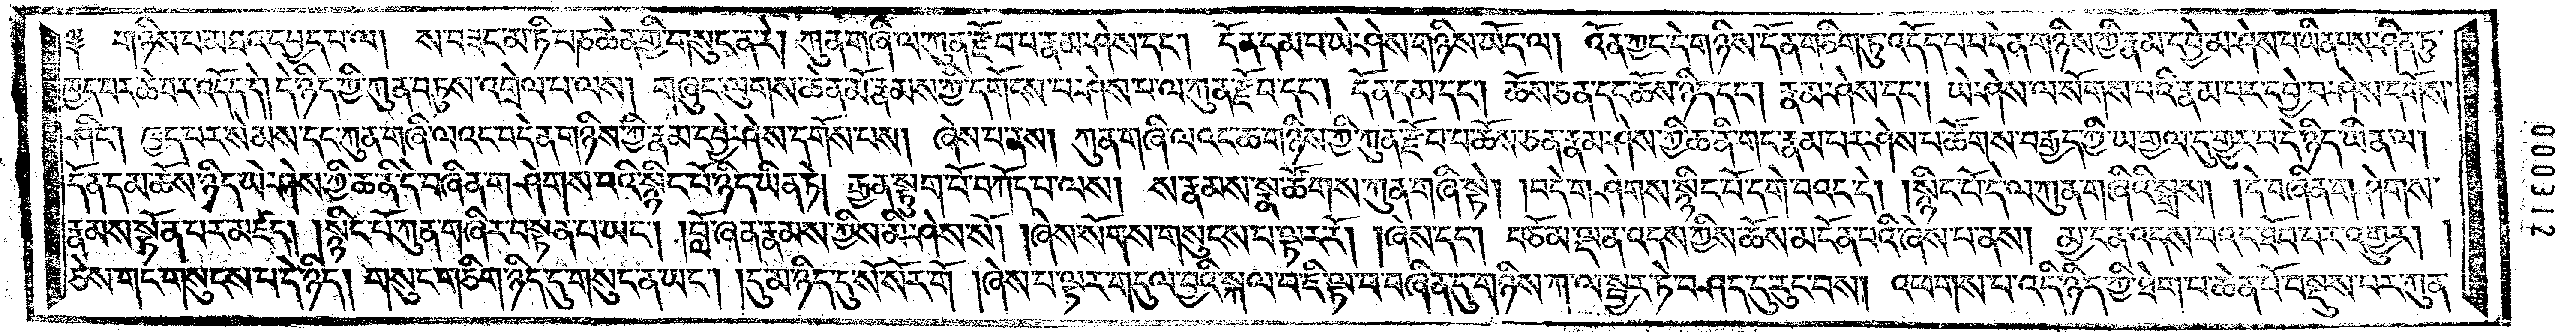༈ གཉིས་པ་མཐའ་དཔྱད་པ་ལ། ས་བཟང་མ་ཏི་པཎ་ཆེན་གྱི་གསུང་ན་རེ། ཀུན་གཞི་ལ་ཀུན་རྫོབ་པ་རྣམ་ཤེས་དང་། དོན་དམ་པ་ཡེ་ཤེས་གཉིས་ཡོད་ལ། འོན་ཀྱང་དེ་གཉིས་དོན་གཅིག་ཏུ་འདོད་པ་བདེན་གཉིས་ཀྱི་རྣམ་དབྱེ་མ་ཤེས་པ་ཡིན་པས་ཤིན་ཏུ་
ཁྱད་པར་ཆེ་བར་འདོད་དེ། དེ་ཉིད་ཀྱི་ཀུན་བཏུས་འགྲེལ་པ་ལས། གཞུང་ལུགས་ཆེན་མོ་རྣམས་ཀྱི་དགོངས་པ་ཤེས་པ་ལ་ཀུན་རྫོབ་དང་། དོན་དམ་དང་། ཆོས་ཅན་དང་ཆོས་ཉིད་དང་། རྣམ་ཤེས་དང་། ཡེ་ཤེས་ལ་སོགས་པའི་རྣམ་པར་དབྱེ་བ་ཤེས་དགོས་
ཤིང་། ཁྱད་པར་སེམས་དང་ཀུན་གཞི་ལའང་བདེན་གཉིས་ཀྱི་རྣམ་དབྱེ་ཤེས་དགོས་པས། ཞེས་པ་ནས། ཀུན་གཞི་ལའང་ཆ་གཉིས་ཀྱི་ཀུན་རྫོབ་པ་ཆོས་ཅན་རྣམ་ཤེས་ཀྱི་ཆ་ནི་གང་རྣམ་པར་ཤེས་པ་ཚོགས་བརྒྱད་ཀྱི་ཡ་གྱལ་དུ་གྱུར་པ་དེ་ཉིད་ཡིན་ལ།
དོན་དམ་ཆོས་ཉིད་ཡེ་ཤེས་ཀྱི་ཆ་ནི་དེ་བཞིན་གཤེགས་པའི་སྙིང་པོ་ཉིད་ཡིན་ཏེ། རྒྱན་སྟུག་པོ་བཀོད་པ་ལས། ས་རྣམས་སྣ་ཚོགས་ཀུན་གཞི་སྟེ། །བདེ་གཤེགས་སྙིང་པོ་དགེ་བའང་དེ། །སྙིང་པོ་དེ་ལ་ཀུན་གཞིའི་སྒྲས། །དེ་བཞིན་གཤེགས་
རྣམས་སྟོན་པར་མཛད། །སྙིང་པོ་ཀུན་གཞིར་བསྟན་པ་ཡང་། །བློ་ཞན་རྣམས་ཀྱིས་མི་ཤེས་སོ། །ཞེས་སོགས་གསུངས་པ་ལྟར་རོ། །ཞེས་དང་། བཅོམ་ལྡན་འདས་ཀྱིས་ཆོས་མངོན་པའི་ཞེས་པ་ནས། མྱ་ངན་འདས་པའང་ཐོབ་པར་འགྱུར། །
ཅེས་གང་གསུངས་པ་དེ་ཉིད། གསུང་གཅིག་ཉིད་དུ་གསུང་ན་ཡང་། །དུ་མ་ཉིད་དུ་སོ་སོར་གོ །ཞེས་པ་ལྟར་གདུལ་བྱའི་སྐལ་བ་ཇི་ལྟ་བ་བཞིན་དུ་གཉིས་ཀ་ལ་སྦྱར་ཏེ་བཤད་དུ་རུང་བས། འཕགས་པ་འདི་ཉིད་ཀྱི་ཐེག་པ་ཆེན་པོ་བསྡུས་པར་ཀུན་